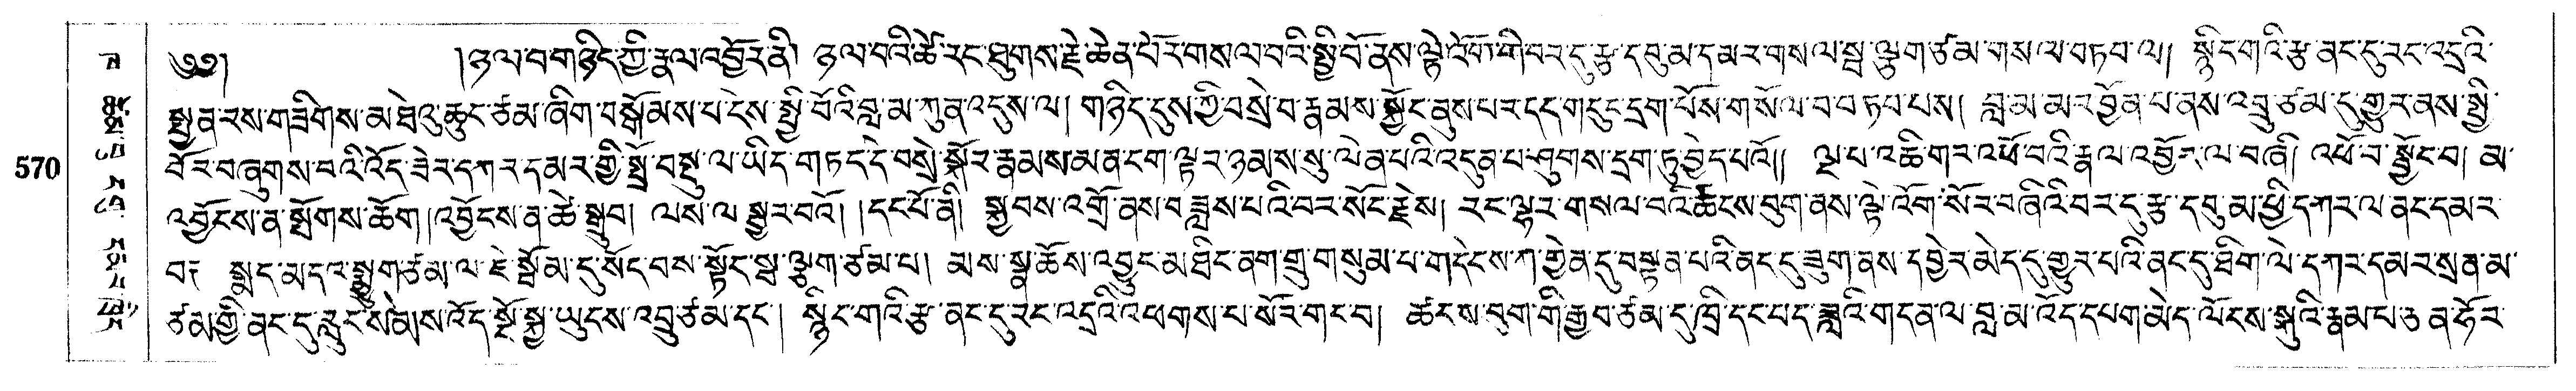༄༅། །ཉལ་བ་གཉིད་ཀྱི་རྣལ་འབྱོར་ནི། ཉལ་བའི་ཚེ་རང་ཐུགས་རྗེ་ཆེན་པོར་གསལ་བའི་སྤྱི་བོ་ནས་ལྟེ་འོག་གི་བར་དུ་རྩ་དབུ་མ་དམར་གསལ་སྦ་ལྕག་ཙམ་གསལ་བཏབ་ལ། སྙིང་གའི་རྩ་ནང་དུ་རང་འདྲའི་
སྤྱན་རས་གཟིགས་མཐེའུ་ཆུང་ཙམ་ཞིག་བསྒོམས་པ་ངེས་སྤྱི་བོའི་བླ་མ་ཀུན་འདུས་ལ། གཉིད་དུས་ཀྱི་བསྲེ་བ་རྣམས་སྐྱོང་ནུས་པར་དད་གདུང་དྲག་པོས་གསོལ་བ་བཏབ་པས། བླ་མ་མར་བྱོན་པ་ནས་འབྲུ་ཙམ་དུ་གྱུར་ནས་སྤྱི་
བོར་བཞུགས་བའི་འོད་ཟེར་དཀར་དམར་གྱི་སྤྲོ་བསྡུ་ལ་ཡིད་གཏང་དེ་བསྲེ་སྐོར་རྣམས་མན་ངག་ལྟར་ཉམས་སུ་ལེན་པའི་འདུན་པ་ཤུགས་དྲག་ཏུ་བྱེད་པའོ། །ལྔ་པ་འཆི་གར་འཕོ་བའི་རྣལ་འབྱོར་ལ་བཞི། འཕོ་བ་སྦྱོང་བ། མ་
འབྱོངས་ན་སྤོགས་ཆོག །འབྱོངས་ན་ཚེ་སྒྲུབ། ལས་ལ་སྦྱར་བའོ། །དང་པོ་ནི། སྐྱབས་འགྲོ་ནས་བཟླས་པའི་བར་སོང་རྗེས། རང་ལྷར་གསལ་བའི་ཚངས་བུག་ནས་ལྟེ་འོག་སོར་བཞིའི་བར་དུ་རྩ་དབུ་མ་ཕྱི་དཀར་ལ་ནང་དམར་
བ༑ སྨད་མདའ་སྨྱུག་ཙམ་ལ་ཇེ་སྦོམ་དུ་སོང་བས་སྟོང་སྦ་ལྕག་ཙམ་པ། མས་སྣ་ཆོས་འབྱུང་མཐིང་ནག་གྲུ་གསུམ་པ་གདེངས་ཀ་གྱེན་དུ་བསྟན་པའི་ནང་དུ་ཟུག་ནས་དབྱེར་མེད་དུ་གྱུར་པའི་ནང་དུ་ཐིག་ལེ་དཀར་དམར་སྲན་མ་
ཙམ་གྱི་ནང་དུ་རླུང་སེམས་འོད་སྔོ་སྐྱ་ཡུངས་འབྲུ་ཙམ་དང་། སྙིང་གའི་རྩ་ནང་དུ་རང་འདྲའི་འཕགས་པ་སོར་གང་བ། ཚངས་བུག་གི་རྒྱ་བ་ཙམ་དུ་ཁྲི་དང་པད་ཟླའི་གདན་ལ་བླ་མ་འོད་དཔག་མེད་ལོངས་སྐུའི་རྣམ་པ་ཅན་ཧོར་